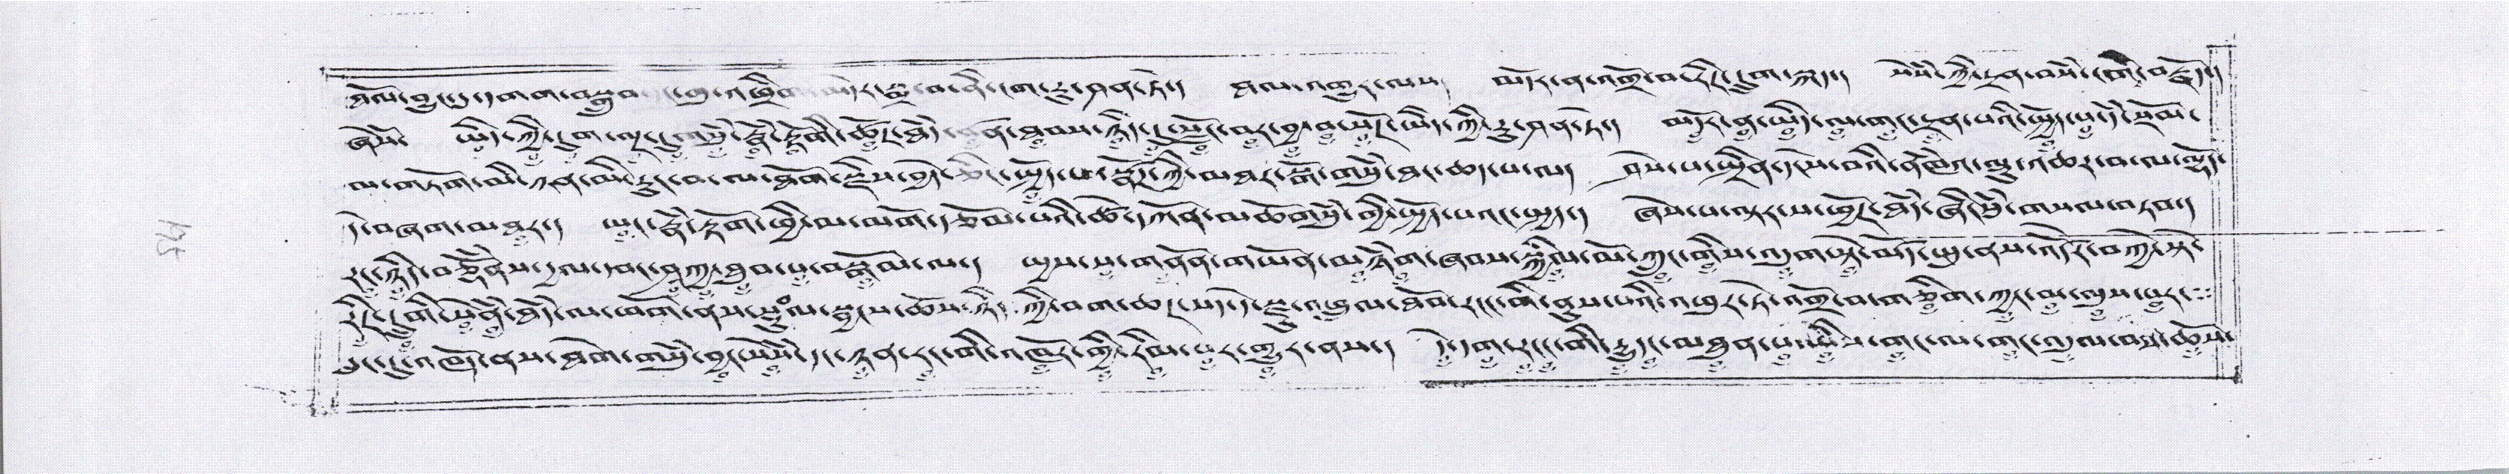ཐོལ་བྱུང་དུ་དགག་སྒྲུབ་དང་ཁུ་འཁྲིག་མེད་པར་སྨྲ་བ་ནི་ངག་རུ་ཤན་ཏེ། ཐལ་འགྱུར་ལས། མདོར་ན་འགྲོ་བ་རིགས་དྲུག་སྐད། སེམས་ཀྱིས་དྲན་བསམ་ངག་གིས་བརྗོད། 
ཅེས་སོ། ཡིད་ཀྱིས་དུག་ལྔ་དུག་གསུམ་རྣམ་རྟོག་གི་ཚོགས་ཐམས་ཅད་བཙན་ཐབས་ཉིད་དུ་སློང་བར་བྱ་བ་སོགས་ཡིད་ཀྱི་རུ་ཤན་ཏེ། མདོར་ན་ཡིད་ལ་གང་དྲན་པའི་སྤྱོད་པ་དམ་སྡོམ་
མ་གཏོགས་མི་ཉན་མི་རུང་བ་ལ་ཐོག་རྫིས་བྱེད་ཅིང་སྤྱོད་པ་སྣ་ཚོགས་ཀྱི་མཐར་སྒོ་གསུམ་ཐང་ཆད་པ་ལ། ཤེས་པ་སྤྲིན་དེངས་པའི་ནམ་མཁའ་ལྟ་བུ་འཆར་བ་ལ་ལྷོད་
དེ་བཞག་མཐར། ཡང་རྣམ་རྟོག་ཕྱི་མ་མགོ་རྩོམ་པའི་ཚེ་དཀོན་མཆོག་གསུམ་གྱི་སྤྱོད་པའང་སྤྱད། ཞེས་པ་ལྟར་ས་ཕྱོགས་ཐམས་ཅད་ཞིང་ཁམས་སུ་གསལ་བཏབ། 
རང་ཉིད་བཅོམ་ལྡན་འདས་རྒྱལ་དབང་ཤཱཀྱ་ཐུབ་པ་བསྒོམ་ལ། གཡས་ས་གནོན་གཡོན་མཉམ་གཞག་ཞབས་སྐྱིལ་མོ་ཀྲུང་གིས་འདུག་སྟེ་མཛོད་སྤུ་ནས་འོད་ཟེར་བཀྱེ་སྟེ་
རིགས་དྲུག་གི་སེམས་ཅན་ཐམས་ཅད་ལ་ཕོག་ནས་སྡུག་བསྔལ་སྦྱངས། ཆོས་ཉིད་ཀྱི་བག་ཆགས་སད་དེ་རྫུ་འཕྲུལ་ཐོབ། རང་རང་གི་ནུས་པའི་འཕུར་ཏེ་འགྲོ་བ་གཅིག་ཀྱང་མ་ལུས་པར་
དྲུང་དུ་འཁོད་ནས་ཐེག་གསུམ་བྱང་སེམས་དང་ཉན་རང་གི་འཁོར་གྱི་རིམ་པར་གྱུར་ནས། དེ་དག་རང་གི་རྒྱུད་དང་མཐུན་པ་ཡིས་གང་ལ་གང་འདུལ་བའི་ཆོས་